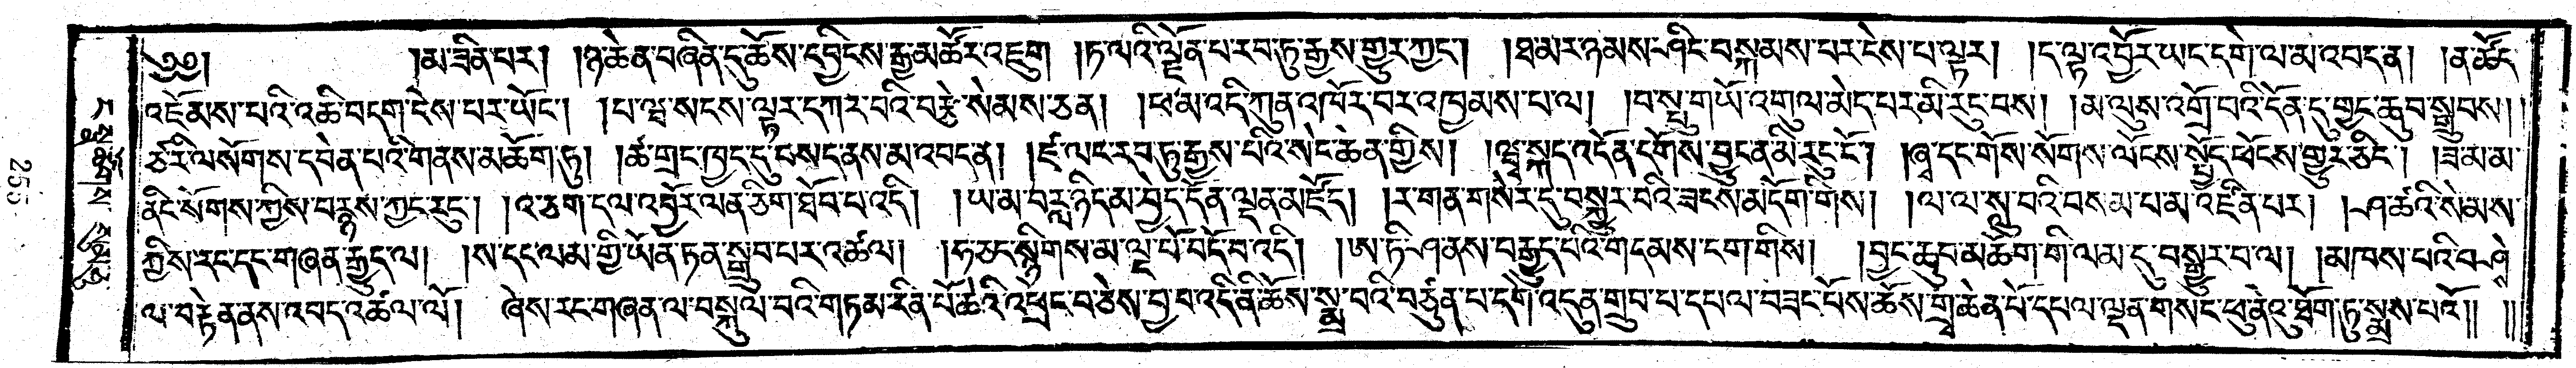༄༅། །མ་ཟིན་པར། །ཉ་ཆེན་བཞིན་དུ་ཆོས་དབྱིངས་རྒྱ་མཚོར་འཇུག །ཏ་ལའི་ལྗོན་པ་རབ་ཏུ་རྒྱས་གྱུར་ཀྱང་། །ཐ་མར་ཉམས་ཤིང་བསྐམས་པར་ངེས་པ་ལྟར། །ད་ལྟ་འབྱོར་ཡང་དགེ་ལ་མ་འབད་ན། །ན་ཚོད་
འཇོམས་པའི་འཆི་བདག་ངེས་པར་ཡོང་། །པ་ཝང་སངས་ལྟར་དཀར་བའི་བརྩེ་སེམས་ཅན། །ཕ་མ་འདི་ཀུན་འཁོར་བར་འཁྱམས་པ་ལ། །བ་སྤུ་གཡོ་འགུལ་མེད་པར་མི་རུང་བས། །མ་ལུས་འགྲོ་བའི་དོན་དུ་བྱང་ཆུབ་སྒྲུབས། །
ཙ་རི་ལ་སོགས་དབེན་པའི་གནས་མཆོག་ཏུ། །ཚ་གྲང་ཁྱད་དུ་བསད་ནས་མ་འབད་ན། །ཛ་ལང་རབ་ཏུ་རྒྱས་པའི་སེང་ཆེན་གྱིས། །ཝྭ་སྐད་འདོན་དགོས་བྱུང་ན་མི་རུང་ངོ། །ཞྭ་དང་གོས་སོགས་ལོངས་སྤྱོད་ཕོངས་གྱུར་ཅིང་། །ཟ་མ་མ་
ནིང་སོགས་ཀྱིས་བརྙས་ཀྱང་རུང་། །འ་ཅག་དལ་འབྱོར་ལན་ཅིག་ཐོབ་པ་འདི། །ཡ་མ་བརླ་ཉིད་མ་བྱེད་དོན་ལྡན་མཛོད། །ར་གན་གསེར་དུ་བསྐྱུར་བའི་ཟངས་མདོག་གིས། །ལ་ལ་སླུ་བའི་བསམ་པ་མ་འཛིན་པར། །ཤ་ཚའི་སེམས་
ཀྱིས་རང་དང་གཞན་རྒྱུད་ལ། །ས་དང་ལམ་གྱི་ཡོན་ཏན་སྒྲུབ་པར་འཚལ། །ཧ་ཅང་སྙིགས་མ་ལྔ་པོ་བདོ་བ་འདི། །ཨ་ཏི་ཤ་ནས་བརྒྱུད་པའི་གདམས་ངག་གིས། །བྱང་ཆུབ་མཆོག་གི་ལམ་དུ་བསྒྱུར་བ་ལ། །མཁས་པའི་བཤེས་
ལ་བརྟེན་ནས་འབད་འཚལ་ལོ། ཞེས་རང་གཞན་ལ་བསྐུལ་བའི་གཏམ་རིན་པོ་ཆེའི་འཕྲེང་བ་ཅེས་བྱ་བ་འདི་ནི་ཆོས་སྨྲ་བའི་བཙུན་པ་དགེ་འདུན་གྲུབ་པ་དཔལ་བཟང་པོས་ཆོས་གྲྭ་ཆེན་པོ་དཔལ་ལྡན་གསང་ཕུ་ནེའུ་ཐོག་ཏུ་སྨྲས་པའོ།། །།